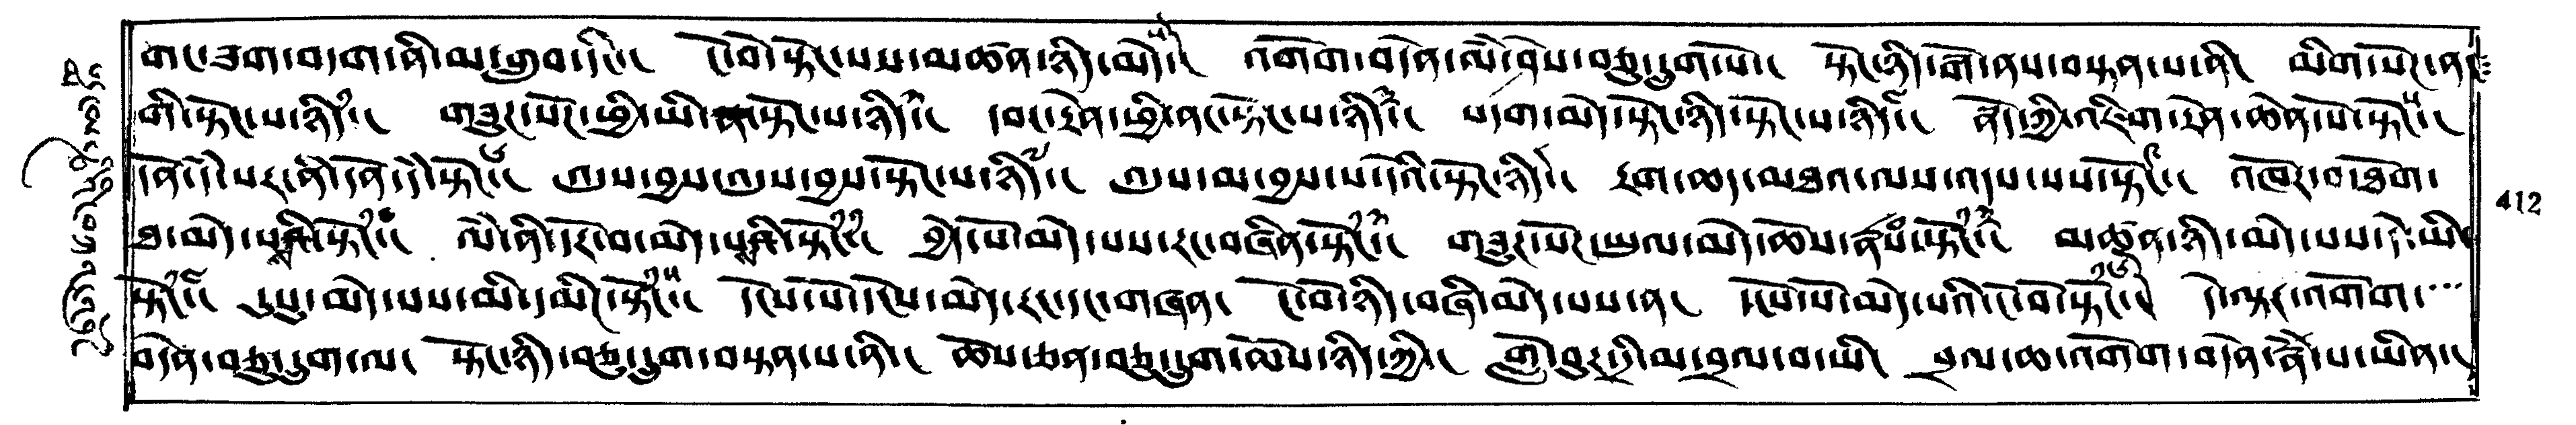གང་ཟག་བདག་ནི་མ་གྲུབ་དང་། །ངོ་བོ་སྟོང་པས་མཚན་ཉིད་མེད། །འགོག་བདེན་ལམ་ཤེས་བཅུ་དྲུག་པོ། །སྟོང་ཉིད་སྒོ་ནས་བསྟན་པ་ནི། །མིག་སོགས་ནང་
གི་སྟོང་པ་ཉིད། །གཟུགས་སོགས་ཕྱི་ཡི་སྟོང་པ་ཉིད། །དབང་རྟེན་ཕྱི་ནང་སྟོང་པ་ཉིད། །བདག་མེད་སྟོང་ཉིད་སྟོང་པ་ཉིད། །སྣོད་ཀྱི་འཇིག་རྟེན་ཆེན་པོ་སྟོང་། །
དོན་དམ་པར་ནི་དོན་དམ་སྟོང་། །འདུས་བྱས་འདུས་བྱས་སྟོང་པ་ཉིད། །འདུས་མ་བྱས་པ་དེའི་སྟོང་ཉིད། །རྟག་ཆད་མཐའ་ལས་འདས་པས་སྟོང་། །འཁོར་བ་ཐོག་
ཐ་མེད་པས་སྟོང་། །ལམ་ནི་དོར་བ་མེད་པས་སྟོང་། །བྱེད་པོ་མེད་པས་རང་བཞིན་སྟོང་། །གཟུགས་སོགས་ཡུལ་མེད་ཆོས་རྣམས་སྟོང་། །མཚན་ཉིད་མེད་པས་དེ་ཡི་
སྟོང་། །དུས་སུ་མེད་པས་མི་དམིགས་སྟོང་། །དངོས་པོ་དངོས་མེད་རང་དང་གཞན། །ངོ་བོ་ཉིད་བཞི་མེད་པས་ན། །དངོས་པོ་མེད་པའི་ངོ་བོས་སྟོང་། །དེ་ལྟར་འགོག་
བདེན་བཅུ་དྲུག་ལ། །སྟོང་ཉིད་བཅུ་དྲུག་བསྟན་པ་ནི། །ཆོས་ཅན་བཅུ་དྲུག་ཆོས་ཉིད་ཀྱི། །གློ་བུར་དྲི་མ་བྲལ་བ་ཡི། །བྲལ་ཆ་འགོག་བདེན་རྣམ་པ་ཡིན། །